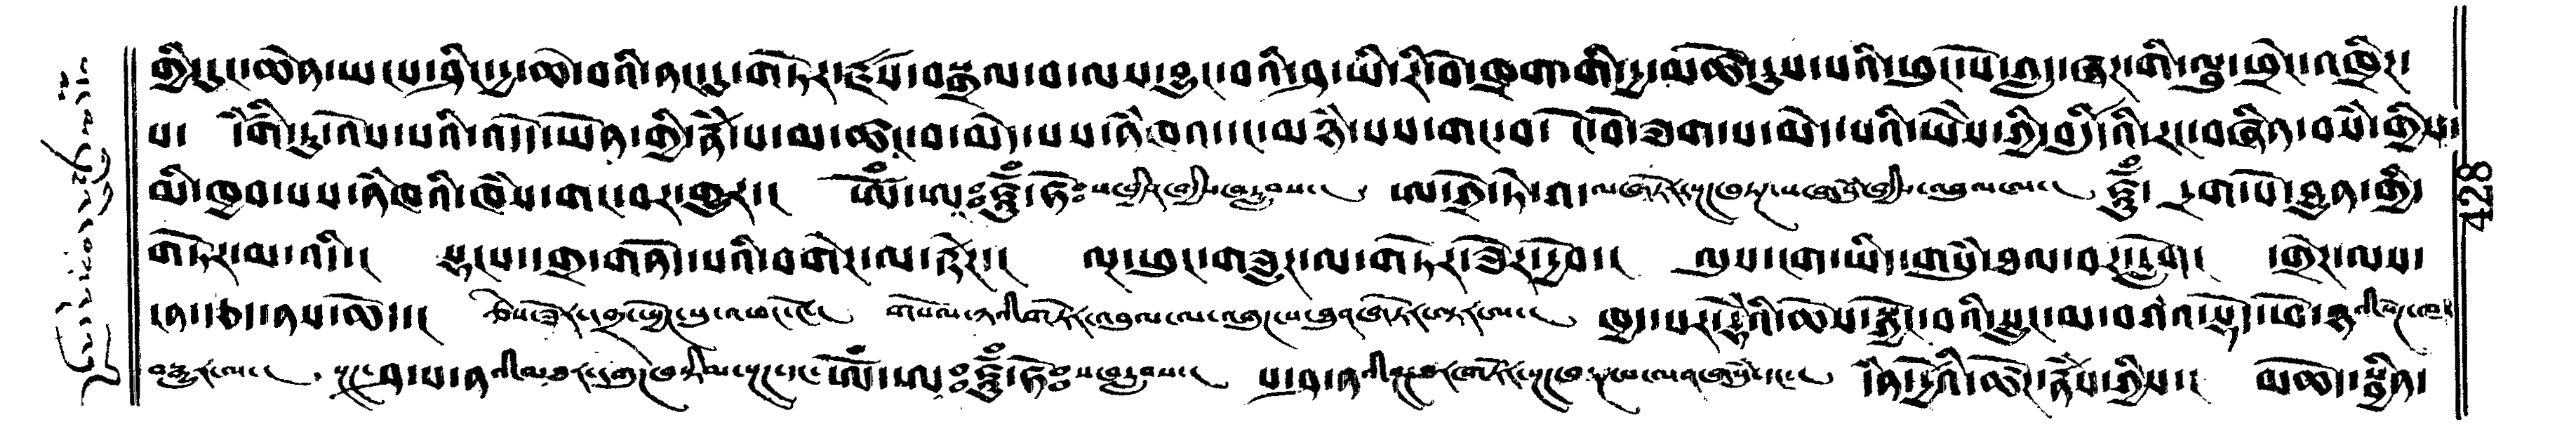གྱི་དུང་ཆེན་ཡངས་ཤིང་རྒྱ་ཆེ་བའི་ནང་དུ་གཏོར་རྫས་བསྒྲལ་བ་ལས་བྱུང་བའི་ཤ་ཡི་རི་བོ་ཁྲག་གི་རྒྱ་མཚོ་རུས་པའི་ཕུང་པོ་ཀླད་ཞགས་གི་ལྦུ་ཕྲེང་འཁྲིགས་
པ། དམ་ཚིག་ཏུ་འོས་པའི་འདོད་ཡོན་གྱི་རྣམ་པ་མ་ཚང་བ་མེད་པས་ནམ་མཁའ་དང་མཉམ་པས་གང་བ་ངོ་བོ་ཟག་པ་མེད་པའི་ཡེ་ཤེས་ཀྱི་བདུད་རྩིའི་རང་བཞིན་བསམ་གྱིས་
མི་ཁྱབ་པས་ནམ་མཁའི་ཁམས་གང་བར་གྱུར། ཨོཾ་ཨཱཿཧཱུྃ་ཧོཿ ས་བྱིན་གྱིས་བརླབ། ཨ་ཀྲོ་ཏེ་ཀ་ལ་གཏོར་སྔགས་བཏགས་པ་གསུམ་གྱིས་འབུལ་ལ། ཧཱུྃ། དྲག་པོ་ཐན་གྱི་
གཏོར་མ་འདི། །སྡང་དགྲ་གནོད་པའི་བགེགས་ལ་བཏེགས། །ལྔ་ཕུང་གཟུགས་ལ་གཏོར་ཟོར་རྒྱོབས། །ལུས་ངག་ཡིད་གསུམ་ཐལ་བར་རློགས།དགྲ་བགེགས་ལས་
ངན་རྩད་ནས་ཆོད། ། ཅེས་ཟོར་དགྲ་ཕྱོགས་སུ་འཕང་ངོ་། །གསོལ་ཀའི་གཏོར་འབུལ་ལ་འགུགས་པ་ཐུན་གཏོར་ལྟར་ལ། ཁྱད་པར་རྡོ་རྗེའི་ཆོས་སྐྱོང་བའི་སྲུང་མ་བཀའ་སྡོད་ཕོ་ཉའི་སོགས་ཁ་
བསྒྱུར་ལ། སྔགས་ཤ་ས་ན འི་མཐར་དགུག་བསྟིམ་སྔགས་དང་ཨོཾ་ཨཱཿཧཱུྃ་ཧོཿ ས་བརླབ། པ་ཤ་ན འི་སྔགས་མཐར་གཏོར་སྔགས་བཏགས་པ་ལན་གསུམ་དང་། དམ་ཅན་རྒྱ་མཚོའི་ཚོགས་རྣམས་ཀྱིས། མཆོད་སྦྱིན་